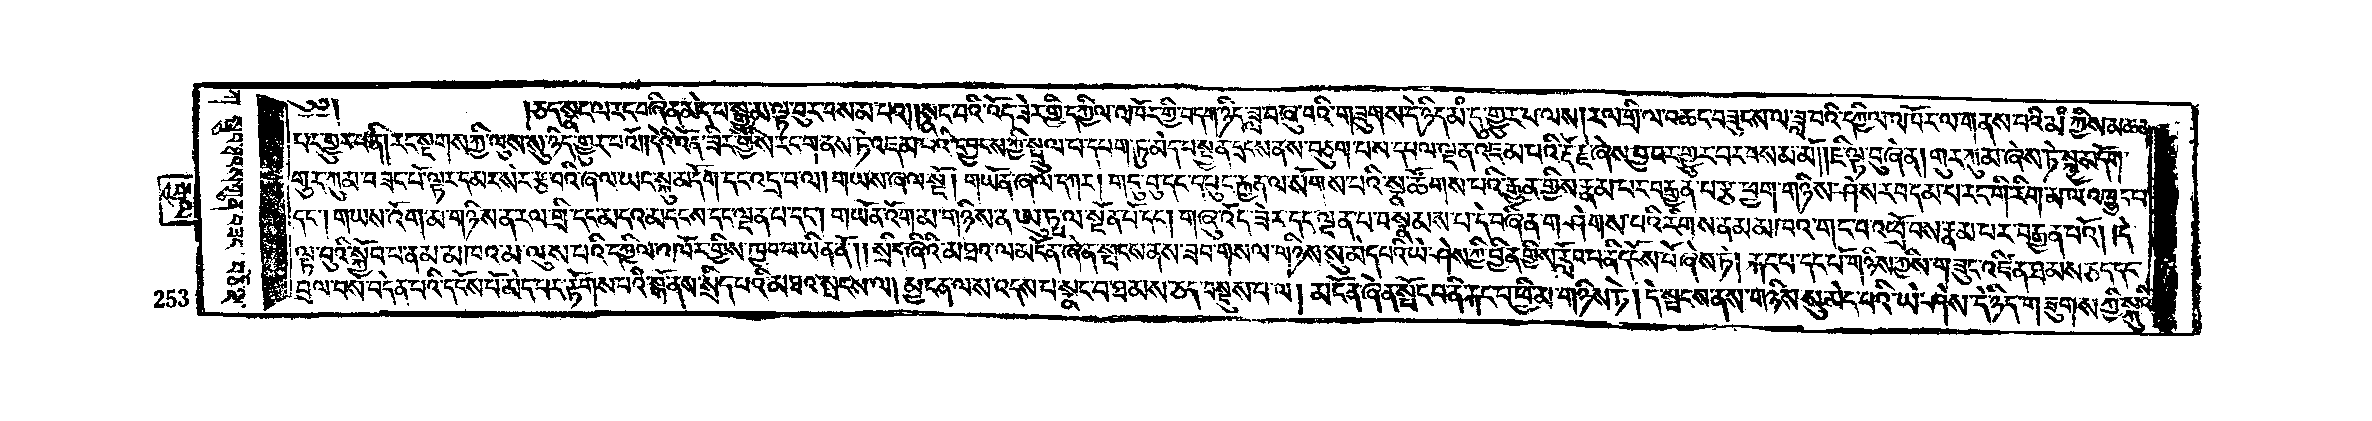༄༅། །ཅད་སྣང་ལ་རང་བཞིན་མེད་པ་སྒྱུ་མ་ལྟ་བུར་བསམ་པའོ། །སྣང་བའི་འོད་ཟེར་གྱི་དཀྱིལ་འཁོར་གྱི་བདག་ཉིད་ཟླ་བ་ཞུ་བའི་གཟུགས་དེ་ཉིད་མཾ་དུ་གྱུར་པ་ལས། རལ་གྲི་ལ་འཆད་བཟུངས་ལ་ཟླ་བའི་དཀྱིལ་འཁོར་ལ་གནས་པའི་མཾ་གྱིས་མཚན་
པར་གྱུར་པ་ནི། རང་སྔགས་ཀྱི་ལུས་སུ་ཉིད་གྱུར་པའོ། །དེའི་འོན་ཟིར་གྱིས་རང་གནས་ཏེ་འཇམ་པའི་དབྱངས་ཀྱི་སྤྲུལ་པ་དཔག་ཏུ་མེད་པ་སྤྱན་དྲངས་ནས་བཅུག་པས་དཔལ་ལྡན་འཇམ་པའི་རྡོ་རྗེ་ཞེས་བྱ་བར་གྱུར་པར་བསམ་མོ། །ཇི་ལྟ་བུ་ཞེ་ན། གུར་ཀུམ་ཞེས་ཏེ་སྐྱ་མདོག་
གུར་ཀུམ་བཟང་པོ་ལྟར་དམར་སེར་རྩ་བའི་ཞལ་ཡང་སྐུ་མདོག་དང་འདྲ་བ་ལ། གཡས་ཞལ་སྔོ། གཡོན་ཞལ་དཀར། གདུ་བུ་དང་དཔུང་རྐྱན་ལ་སོགས་པའི་སྣ་ཚོགས་པའི་རྒྱན་གྱིས་རྣམ་པར་བརྒྱན་པ་རྩ་ཕྱག་གཉིས་ཤེས་རབ་དམ་པ་རང་གི་རིག་མ་ལ་འཁྱུད་པ་
དང་། གཡས་འོག་མ་གཉིས་ན་རལ་གྲི་དང་མདའ་མདངས་དང་ལྡན་པ་དང་། གཡོན་འོག་མ་གཉིས་ན་ཨུཏྤ་ལ་སྔོན་པོ་དང་། གཞུ་འོད་ཟེར་དང་ལྡན་པ་བསྣམས་པ་དེ་བཞིན་གཤེགས་པའི་རིགས་ནམ་མཁའ་གང་བ་འཕྲོ་བས་རྣམ་པར་བརྒྱན་པའོ། །དེ་
ལྟ་བུའི་སྐྱོབ་པ་ནམ་མཁའ་མ་ལུས་པའི་དཀྱིལ་འཁོར་གྱིས་ཁྱབ་པ་ཡིན་ནོ། །སྲིད་ཞིའི་མཐའ་ལ་མངོན་ཞེ་ན་སྤངས་ནས་ཟབ་གསལ་གཉིས་སུ་མེད་པའི་ཡེ་ཤེས་ཀྱི་བྱིན་གྱིས་རློབ་པ་ནི་དངོས་པོ་ཞེས་ཏེ། རྐང་པ་དང་པོ་གཉིས་ཀྱིས་གཟུང་འཛིན་ཐམས་ཅད་དང་
བྲལ་བས་བདེན་པའི་དངོས་པོ་མེད་པར་རྟོགས་པའི་སྒོ་ནས་སྲིད་པའི་མཐའ་སྤངས་ལ། མྱ་ངན་ལས་འདས་པ་སྣང་བ་ཐམས་ཅད་བསྡུས་པ་ལ། མངོན་ཞེན་སྤོང་བ་ནི་རྐང་པ་ཕྱི་མ་གཉིས་ཏེ། དེ་སྤངས་ནས་གཉིས་སུ་མེད་པའི་ཡེ་ཤེས་དེ་ཉིད་གཟུགས་ཀྱི་སྐུའི་